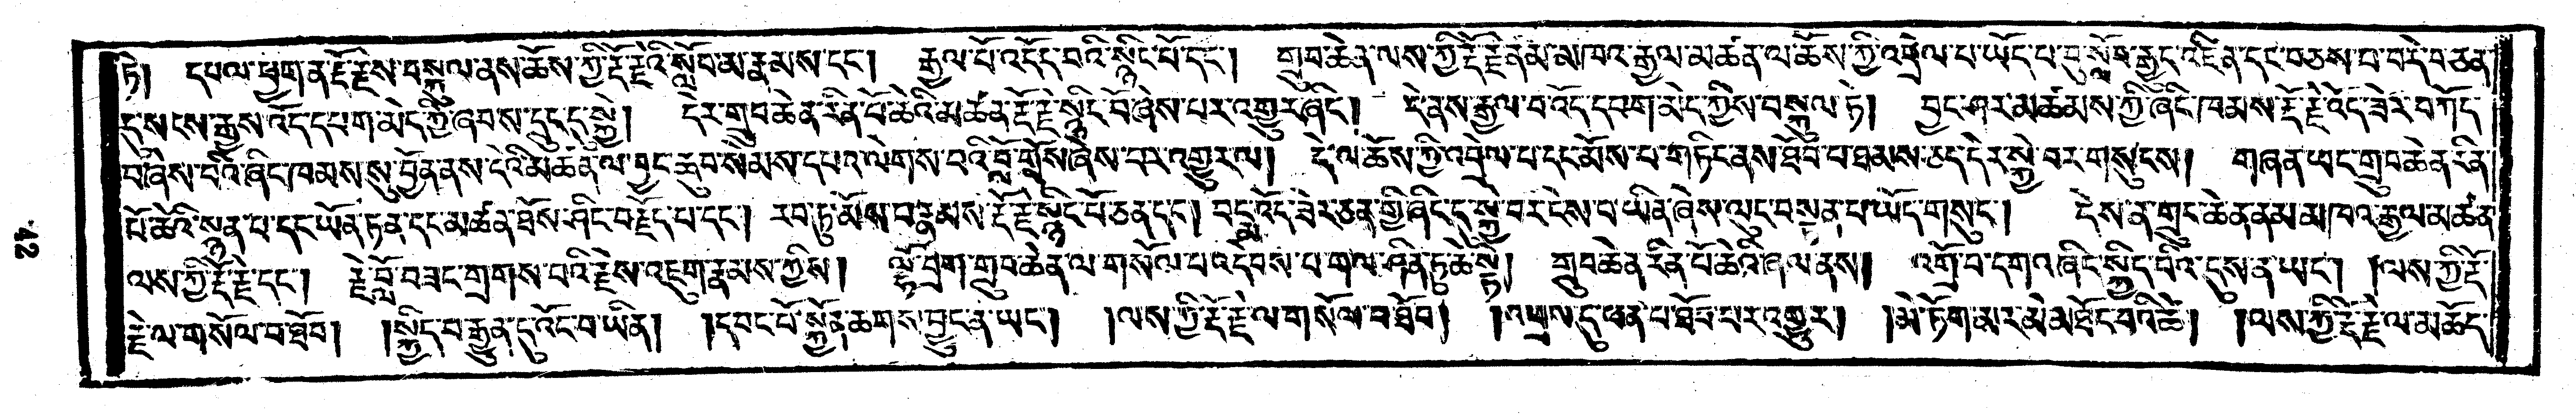ཏེ། དཔལ་ཕྱག་ན་རྡོ་རྗེས་བསྐུལ་ནས་ཆོས་ཀྱི་རྡོ་རྗེའི་སློབ་མ་རྣམས་དང་། རྒྱལ་པོ་འདོད་བའི་སྙིང་པོ་དང་། གྲུབ་ཆེན་ལས་ཀྱི་རྡོ་རྗེ་ནམ་མཁའ་རྒྱལ་མཚན་ལ་ཆོས་ཀྱི་འབྲེལ་པ་ཡོད་པ་བུ་སློབ་རྒྱུད་འཛིན་དང་བཅས་པ་བདེ་བ་ཅན་
དུ་སངས་རྒྱས་འོད་དཔག་མེད་ཀྱི་ཞབས་དྲུང་དུ་སྐྱེ། དེར་གྲུབ་ཆེན་རིན་པོ་ཆེའི་མཚན་རྡོ་རྗེ་སྙིང་བོ་ཞེས་པར་འགྱུར་ཞིང་། དེ་ནས་རྒྱལ་བ་འོད་དཔག་མེད་ཀྱིས་བསྐུལ་ཏེ། བྱང་ཤར་མཚམས་ཀྱི་ཞིང་ཁམས་རྡོ་རྗེ་འོད་ཟེར་བཀོད་
བ་ཞེས་བའི་ཞིང་ཁམས་སུ་བྱོན་ནས་དེའི་མཚན་ལ་བྱང་ཆུབ་སེམས་དཔའ་ལེགས་བའི་བློ་གྲོས་ཞེས་པར་འགྱུར་ལ། དེ་ལ་ཆོས་ཀྱི་འབྲེལ་པ་དང་མོས་པ་གཏིང་ནས་ཐོབ་པ་ཐམས་ཅད་དེར་སྐྱེ་བར་གསུངས། གཞན་ཡང་གྲུབ་ཆེན་རིན་
པོ་ཆེའི་སྙན་པ་དང་ཡོན་ཏན་དང་མཚན་ཐོས་ཤིང་བརྗོད་པ་དང་། རབ་ཏུ་མོས་བ་རྣམས་རྡོ་རྗེ་སྙིང་པོ་ཅན་དང་། པདམ་འོད་ཟེར་ཅན་གྱི་ཞིང་དུ་སྐྱེ་བར་ངེས་པ་ཡིན་ཞེས་ལུང་བསྟན་པ་ཡོད་གསུང་། དེས་ན་གྲུབ་ཆེན་ནམ་མཁའ་རྒྱལ་མཚན་
ལས་ཀྱི་རྡོ་རྗེ་དང་། རྗེ་བློ་བཟང་གྲགས་བའི་རྗེས་འཇུག་རྣམས་ཀྱིས། ལྷོ་བྲག་གྲུབ་ཆེན་ལ་གསོལ་བ་འདེབས་པ་གལ་ཤིན་ཏུ་ཆེ་སྟེ། གྲུབ་ཆེན་རིན་པོ་ཆེའི་ཞལ་ནས། འགྲོ་བ་དགའ་ཞིང་སྐྱིད་བའི་དུས་ན་ཡང་། །ལས་ཀྱི་རྡོ་
རྗེ་ལ་གསོལ་བ་ཐོབ། །སྐྱིད་བརྒྱུན་དུ་འོང་བ་ཡིན། །དབང་པོ་སྐྱོན་ཆགས་བྱུང་ན་ཡང་། །ལས་ཀྱི་རྡོ་རྗེ་ལ་གསོལ་བ་ཐོབ། །འབྲལ་དུ་ཕན་པ་ཐོབ་པར་འགྱུར། །མེ་ཏོག་མར་མེ་མཐོང་བའི་ཚེ། །ལས་ཀྱི་རྡོ་རྗེ་ལ་མཆོད་